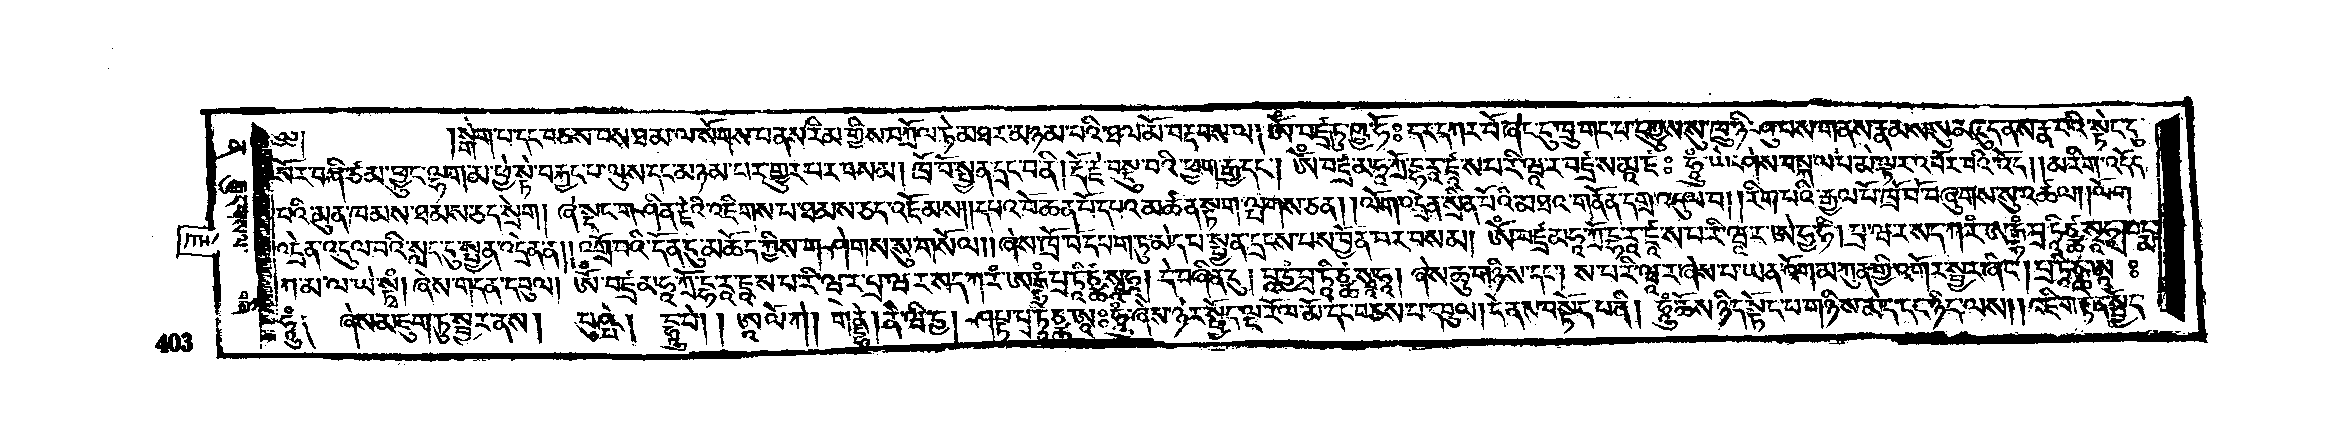༄༅། །སྒེག་པ་དང་བཅས་པས་ཐ་མ་ལ་སོགས་པ་ནས་རིམ་གྱིས་བཀྲོལ་ཏེ་མཐར་མཉམ་པའི་ཐལ་མོ་བརྡབས་ལ། ཨོཾ་བཛྲ་ཏུ་ཥཡ་ཧོཿ དར་དཀར་པོ་ཞེང་དུ་ཁྲུ་གང་པ་དཀྱུས་སུ་ཁྲུ་ཉི་ཤུ་པས་གནས་རྣམས་སུ་མདུད་ནས་རྣ་བའི་སྟེང་དུ་
སོར་བཞི་ཙམ་ཕྱུང་ལྷག་མ་ཕྱེ་སྟེ་བརྐྱང་པ་ལུས་དང་མཉམ་པར་གྱུར་པར་བསམ། ཁྲོ་བོ་སྤྱན་དྲང་བ་ནི། རྡོ་རྗེ་བསྡུ་བའི་ཕྱག་རྒྱ་དང་། ཨོཾ་བཛྲ་མཧཱ་ཀྲོ་དྷ་རཱ་ཛཱ་ས་པ་རི་ཝཱ་ར་བཛྲ་ས་མཱ་ཛཿ ཧཱུཾ་ཡེ་ཤེས་བསྐལ་པ་མེ་ལྟར་འབར་བའི་འོད། །མ་རིག་འདོད་
པའི་མུན་ཁམས་ཐམས་ཅད་སྲེག །ཞེ་སྡང་གཤིན་རྗེའི་འཇིགས་པ་ཐམས་ཅད་འཇོམས། །དཔའ་བོ་ཆེན་པོ་དཔའ་མཚན་སྟག་ལྤགས་ཅན། །ལོག་འདྲེན་སྲིན་པོའི་མཐའ་གནོན་དགྲ་འདུལ་བ། །རིག་པའི་རྒྱལ་པོ་ཁྲོ་བོ་བཞུགས་སུ་འཚལ། །ལོག་
འདྲེན་འདུལ་བའི་སླད་དུ་སྤྱན་འདྲེན་ན། །འགྲོ་བའི་དོན་དུ་མཆོད་ཀྱིས་གཤེགས་སུ་གསོལ། །ཞེས་ཁྲོ་བོ་དཔག་ཏུ་མེད་པ་སྤྱན་དྲངས་པས་བྱོན་པར་བསམ། ཨོཾ་བཛྲ་མཧཱ་ཀྲོ་དྷརཱ་ཛཱ་ས་པ་རི་ཝཱ་ར་ཨེ་དཡ་ཧི། པྲ་ཝ་ར་སད་ཀ་རཾ་ཨརྒྷཾ་པྲ་ཏཱི་ཙྪ་སྭཱཧཱ། པདམ་
ཀ་མ་ལ་ཡེ་སྟྭཾ། ཞེས་གདན་དབུལ། ཨོཾ་བཛྲ་མཧཱ་ཀྲོ་དྷ་རཱ་ཇཱ་ས་པ་རི་ཝ་ར་པྲ་ཝ་ར་སད་ཀ་རཾ་ཨརྒྷཾ་པྲ་ཏཱི་ཙྪ་སྭཱཧཱ། དེ་བཞིན་དུ། པཱ་དཡཾ་པྲ་ཏཱི་ཙྪ་སྭཱཧཱ། ཞེས་ཆུ་གཉིས་དང་། ས་པ་རི་ཝཱ་ར་ཞེས་པ་ཡན་འོག་མ་ཀུན་གྱི་མགོར་སྦྱར་ཞིང་། པྲ་ཏཱ་ཙྪ་ཨཱཿ
ཧཱུཾ། ཞེས་མཇུག་ཏུ་སྦྱར་ནས། པུཥྤེ། དྷཱུ་པེ། །ཨཱ་ལོ་ཀེ། གེནྡྷེ། ནཻ་ཝི་དཡ། ཤཔྟ་པྲ་ཏཱི་ཙྪ་ཨཱཿ ཧཱུཾ་ཞེས་ཉེར་སྤྱོད་ལྔ་རོལ་མོ་དང་བཅས་པ་དབུལ། དེ་ནས་བསྟོད་པ་ནི། ཧཱུཾ་ཆོས་ཉིད་སྟོང་པ་གཉིས་མེད་ངང་ཉིད་ལས། །འཇིག་རྟེན་སྤྱོད་